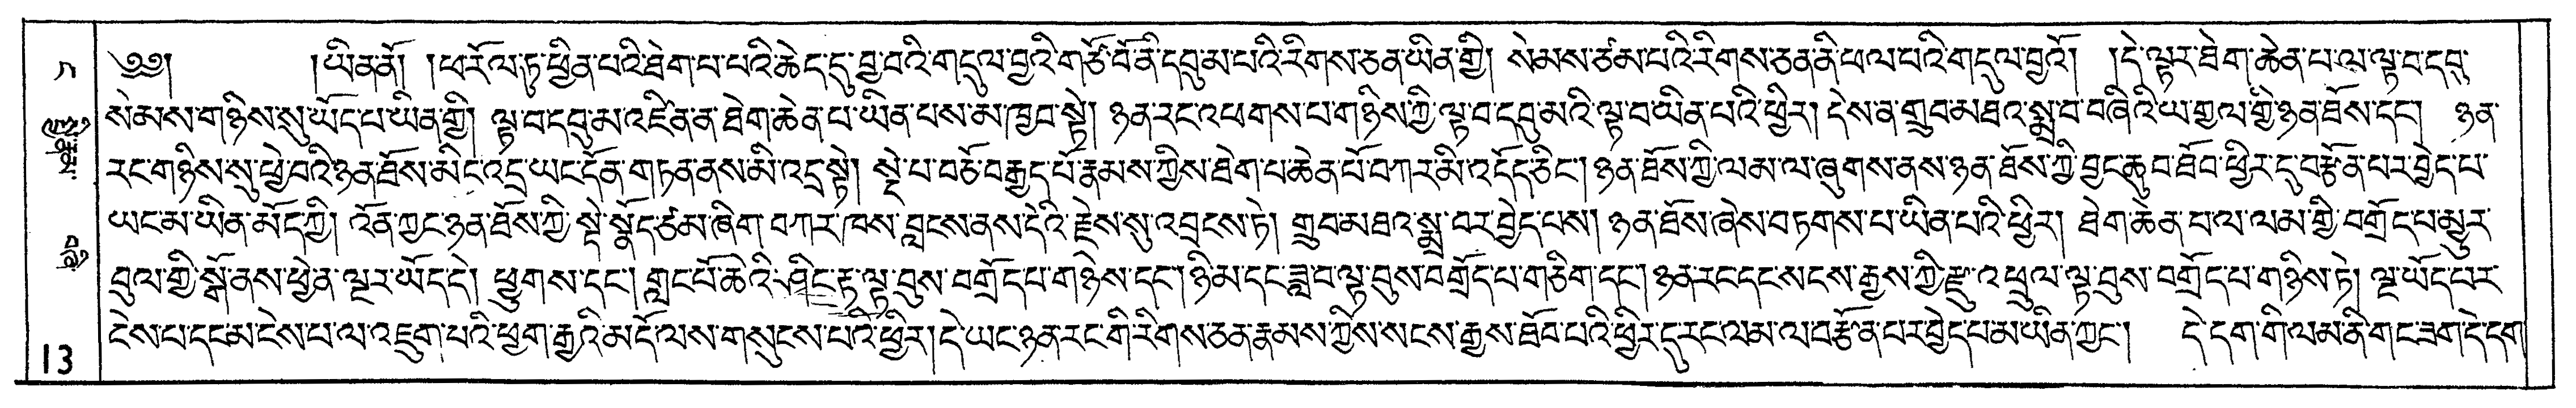༄༅། །ཡིན་ནོ། །ཕ་རོལ་ཏུ་ཕྱིན་པའི་ཐེག་པ་པའི་ཆེད་དུ་བྱ་བའི་གདུལ་བྱའི་གཙོ་བོ་ནི་དབུ་མ་པའི་རིགས་ཅན་ཡིན་གྱི། སེམས་ཙམ་པའི་རིགས་ཅན་ནི་ཕལ་པའི་གདུལ་བྱའོ། །དེ་ལྟར་ཐེག་ཆེན་པ་ལ་ལྟ་བ་དབུ་
སེམས་གཉིས་སུ་ཡོད་པ་ཡིན་གྱི། ལྟ་བ་དབུ་མ་འཛིན་ན་ཐེག་ཆེན་པ་ཡིན་པས་མ་ཁྱབ་སྟེ། ཉན་རང་འཕགས་པ་གཉིས་ཀྱི་ལྟ་བ་དབུ་མའི་ལྟ་བ་ཡིན་པའི་ཕྱིར། དེས་ན་གྲུབ་མཐའ་སྨྲ་བ་བཞིའི་ཡ་གྱལ་གྱི་ཉན་ཐོས་དང་། ཉན་
རང་གཉིས་སུ་ཕྱེ་བའི་ཉན་ཐོས་མིང་འདྲ་ཡང་དོན་གཏན་ནས་མི་འདྲ་སྟེ། སྡེ་པ་བཅོ་བརྒྱད་པོ་རྣམས་ཀྱིས་ཐེག་པ་ཆེན་པོ་བཀར་མི་འདོད་ཅིང་། ཉན་ཐོས་ཀྱི་ལམ་ལ་ཞུགས་ནས་ཉན་ཐོས་ཀྱི་བྱང་ཆུབ་ཐོབ་ཕྱིར་དུ་བརྩོན་པར་བྱེད་པ་
ཡང་མ་ཡིན་མོད་ཀྱི། འོན་ཀྱང་ཉན་ཐོས་ཀྱི་སྡེ་སྣོད་ཙམ་ཞིག་བཀར་ཁས་བླངས་ནས་དེའི་རྗེས་སུ་འབྲངས་ཏེ། གྲུབ་མཐའ་སྨྲ་བར་བྱེད་པས། ཉན་ཐོས་ཞེས་བཏགས་པ་ཡིན་པའི་ཕྱིར། ཐེག་ཆེན་པ་ལ་ལམ་གྱི་བགྲོད་པ་མྱུར་
བུལ་གྱི་སྒོ་ནས་ཕྱེ་ན་ལྔར་ཡོད་དེ། ཕྱུགས་དང་། གླང་པོ་ཆེའི་ཤིང་རྟ་ལྟ་བུས་བགྲོད་པ་གཉིས་དང་། ཉི་མ་དང་ཟླ་བ་ལྟ་བུས་བགྲོད་པ་གཅིག་དང་། ཉན་རང་དང་སངས་རྒྱས་ཀྱི་རྫུ་འཕྲུལ་ལྟ་བུས་བགྲོད་པ་གཉིས་ཏེ། ལྔ་ཡོད་པར་
ངེས་པ་དང་མ་ངེས་པ་ལ་འཇུག་པའི་ཕྱག་རྒྱའི་མདོ་ལས་གསུངས་པའི་ཕྱིར། དེ་ཡང་ཉན་རང་གི་རིགས་ཅན་རྣམས་ཀྱིས་སངས་རྒྱས་ཐོབ་པའི་ཕྱིར་དུ་རང་ལམ་ལ་བརྩོན་པར་བྱེད་པ་མ་ཡིན་ཀྱང་། དེ་དག་གི་ལམ་ནི་གང་ཟག་དེ་དག་